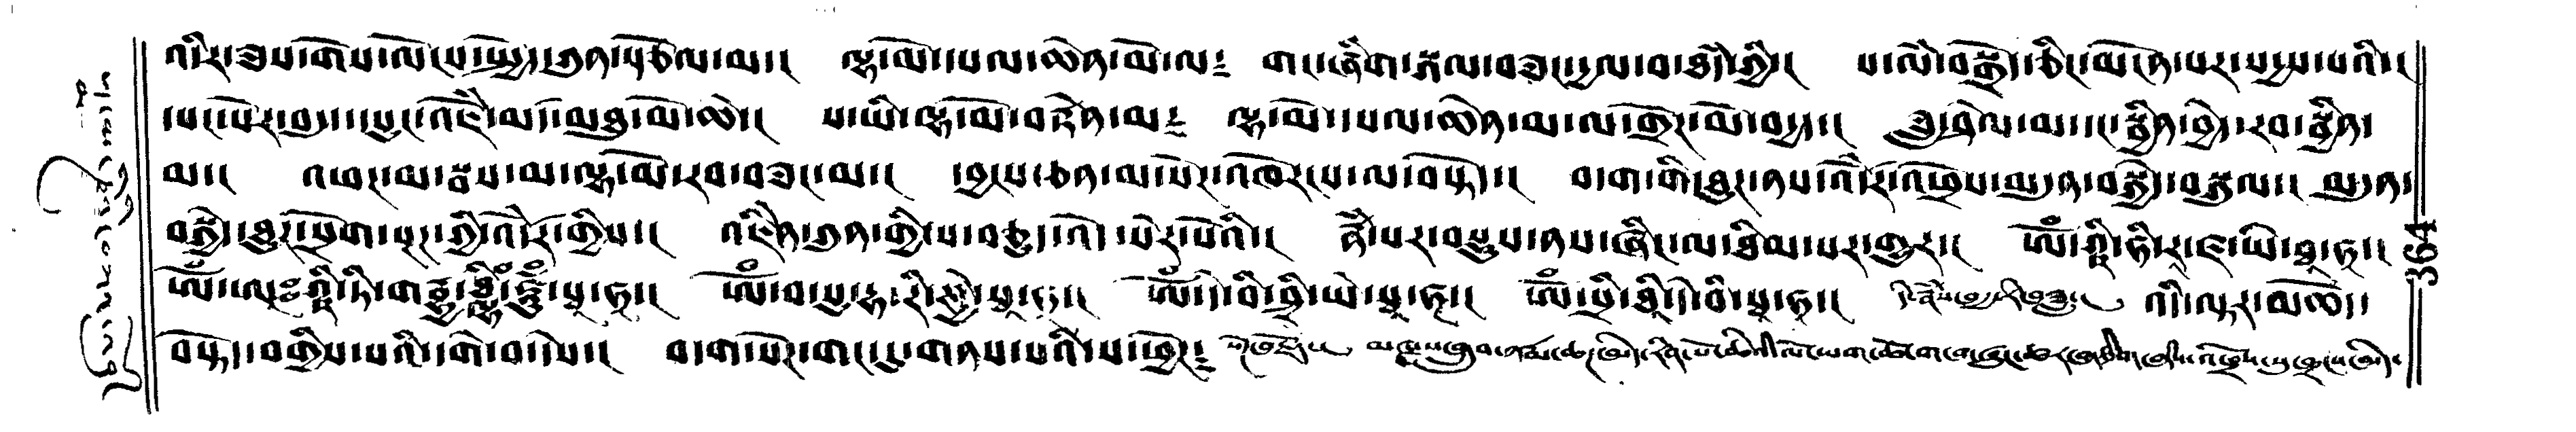འདིར་ཟས་གོས་ལོངས་སྤྱོད་ཀུན་སྩོལ་མ། །ལྷ་མོ་དཔལ་ཆེན་མོ་ལ༴ གང་ཞིག་སྐལ་བཟང་རྒྱལ་བ་ཐམས་ཅད་ཀྱི། །ས་ལམ་བགྲོད་ཅིང་མངོན་པར་སངས་རྒྱས་པའི། །
དཔང་པོར་བདུད་དཔུང་འཇོམས་མཛད་མཐུ་མོ་ཆེ། །ས་ཡི་ལྷ་མོ་བརྟན་མ༴ ལྷ་མོ་དཔལ་ཆེན་མ་ལ་གྲོགས་མོ་བརྒྱད། །ཟླ་ཤེལ་མ་དང་སྦྱིན་བྱེད་རབ་སྦྱིན་
མ། །འཕགས་མ་སྦས་མ་ལྷ་མོ་རབ་བཟང་མ། །དབྱངས་ཅན་མ་སོགས་འཁོར་དང་བཅས་ལ་བསྟོད། །བདག་གི་ཐུགས་ནས་འོད་འཕྲོས་མདུན་སྐྱེད་བསྐུལ། །མདུན་
སྐྱེད་ཐུགས་སྲོག་སྔགས་ཀྱི་འོད་ཟེར་གྱིས། །འཇིག་རྟེན་ཀུན་གྱི་ས་བཅུད་འོད་སེར་པོའི། །རྣམ་པར་བསྡུས་ནས་ཞིང་ལ་ཐིམ་པར་གྱུར། །ཨོཾ་ཀྵི་ཧི་རཱ་ཛ་ཡེ་སྭཱ་ཧཱ།
ཨོཾ་ཨཱཿཀྵི་ཏི་གརྦྷེ་ཐི་ལྷཾ་ཧཱུྂ་སྭཱ་ཧཱ། ཨོཾ་བ་སུ་དྷ་རི་ཎྱེ་སྭཱ་ཧཱ། ཨོཾ་དྷེ་བི་ཤྲཱི་ཡེ་སྭཱ་ཧཱ། ཨོཾ་པྲི་ཐཱི་དྷེ་བི་སྭཱ་ཧཱ། དེ་རྣམས་བརྒྱ་རེ་བཟླ། འདི་ལྟར་མཆོད་
བསྟོད་བགྱིས་པའི་དགེ་བ་དེས། །བདག་སོགས་གང་དུ་གནས་པའི་ས་ཕྱོགས༴ སོགས་རྗོད། མཁས་གྲུབ་ཀརྨ་ཆགས་མེད་རིན་པོ་ཆེའི་ལོ་ཡག་ཆོག་གཞུང་ཚར་གཅིག་གི་འཕྲོས་སུ་གྲངས་